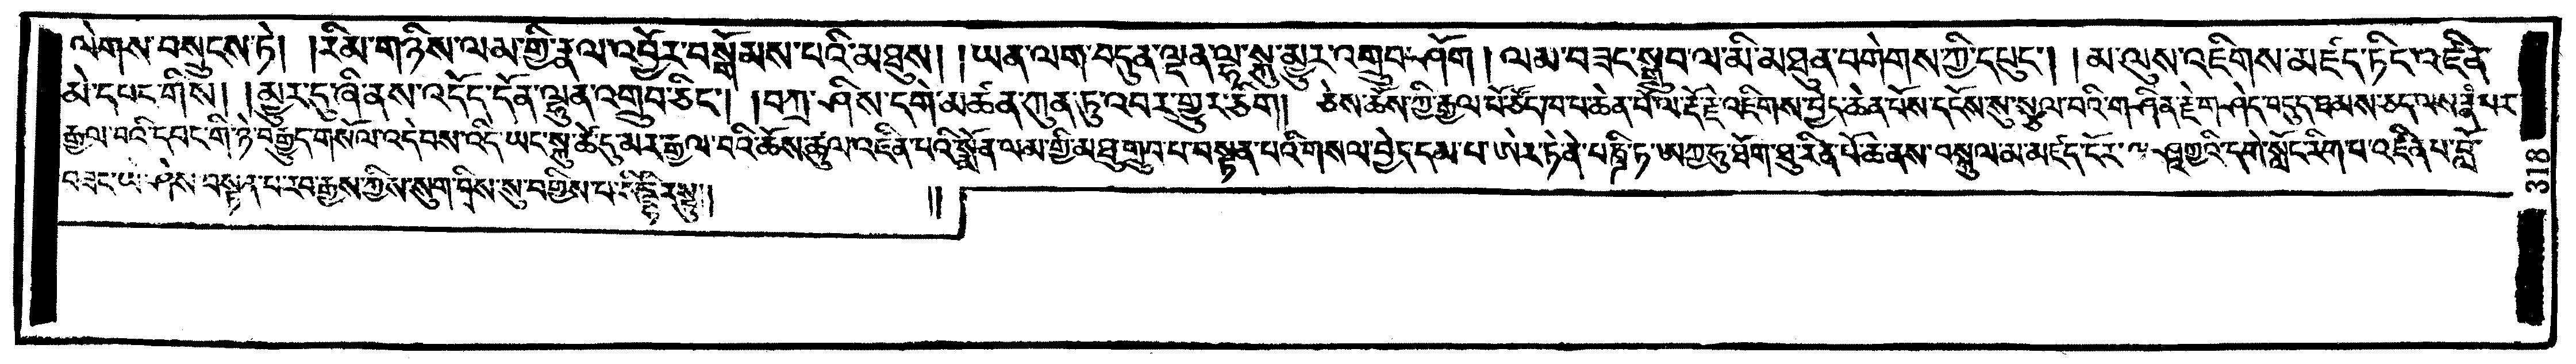ལེགས་བསྲུངས་ཏེ། །རིམ་གཉིས་ལམ་གྱི་རྣལ་འབྱོར་བསྒོམས་པའི་མཐུས། །ཡན་ལག་བདུན་ལྡན་ལྷ་སྐུ་མྱུར་འགྲུབ་ཤོག །ལམ་བཟང་སྒྲུབ་ལ་མི་མཐུན་བགེགས་ཀྱི་དཔུང་། །མ་ལུས་འཇིགས་མཛད་ཏིང་འཛིན་
མེ་དཔང་གིས། །མྱུར་དུ་ཞི་ནས་འདོད་དོན་ལྷུན་འགྲུབ་ཅིང་། །བཀྲ་ཤིས་དགེ་མཚན་ཀུན་ཏུ་འབར་གྱུར་ཅིག །ཅེས་ཆོས་ཀྱི་རྒྱལ་པོ་ཙོང་ཁ་པ་ཆེན་པོ་ལ་རྡོ་རྗེ་འཇིགས་བྱེད་ཆེན་པོས་དངོས་སུ་སྩལ་བའི་གཤིན་རྗེ་གཤེད་བདུད་ཐམས་ཅད་ལས་རྣཾ་པར་
རྒྱལ་བའི་དབང་གི་ཉེ་བརྒྱུད་གསོལ་འདེབས་འདི་ཡང་སྐུ་ཚེ་དུ་མར་རྒྱལ་བའི་ཆོས་ཚུལ་འཛིན་པའི་སྨོན་ལམ་གྱི་མཐུ་གྲུབ་པ་བསྟན་པའི་གསལ་བྱེད་དམ་པ་ཨེར་ཏེ་ནེ་པཎྜི་ཏ་ཨ་ཀྱ་ཧུ་ཐོག་ཐུ་རིན་པོ་ཆེ་ནས་བསྐུལ་མ་མཛད་ངོར ༧་ཤཱཀྱའི་དགེ་སློང་རིག་པ་འཛིན་པ་བློ་
བཟང་ཡེ་ཤེས་བསྟན་པ་རབ་རྒྱས་ཀྱིས་སུག་བྲིས་སུ་བགྱིས་པ་སིནྡྡྷི་རསྟུ།། །།